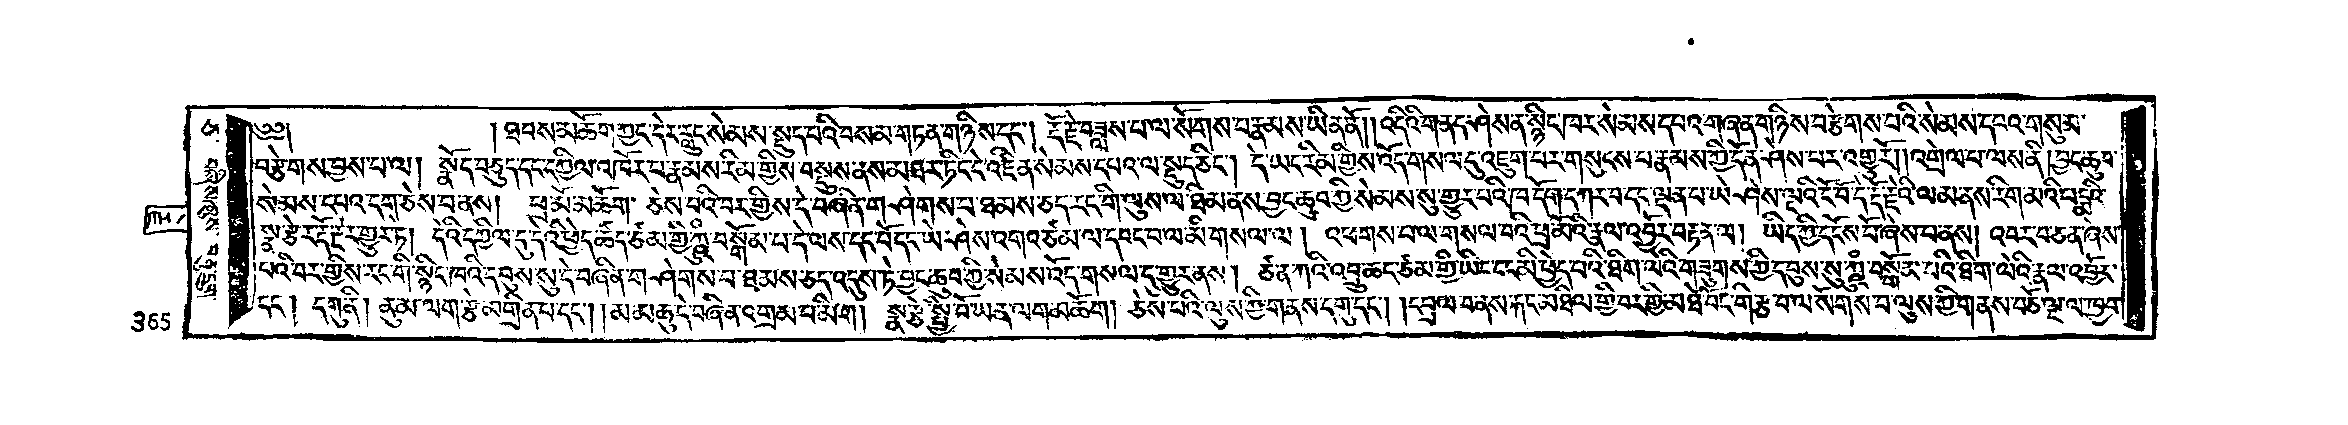༄༅། །ཐབས་མཆོག་ཀྱང་དེར་རླུང་སེམས་སྡུད་པའི་བསམ་གཏན་གཉིས་དང་། རྡོ་རྗེ་བཟླས་པ་ལ་སོགས་པ་རྣམས་ཡིན་ནོ། །འདིའི་གནད་ཤེས་ན་སྙིང་ཁར་སེམས་དཔའ་གཞན་གཉིས་བརྩེགས་པའི་སེམས་དཔའ་གསུམ་
བརྩེགས་བྱས་པ་ལ། སྣོད་བཅུད་དང་དཀྱིལ་འཁོར་པ་རྣམས་རིམ་གྱིས་བསྡུས་ནས་མཐར་ཏིང་ངེ་འཛིན་སེམས་དཔའ་ལ་སྡུད་ཅིང་། དེ་ཡང་རིམ་གྱིས་འོད་གསལ་དུ་འཇུག་པར་གསུངས་པ་རྣམས་ཀྱི་དོན་ཤེས་པར་འགྱུར་རོ། །འགྲེལ་པ་ལས་ནི། བྱང་ཆུབ་
སེམས་དཔའ་དག་ཅེས་པ་ནས། ཕྲ་མོ་མཆོག་ཅེས་པའི་བར་གྱིས་དེ་བཞིན་གཤེགས་པ་ཐམས་ཅད་རང་གི་ལུས་ལ་ཐིམ་ནས་བྱང་ཆུབ་ཀྱི་སེམས་སུ་གྱུར་པའི་ཁ་དོག་དཀར་བ་དང་ལྡན་པ་ཡེ་ཤེས་ལྔའི་ངོ་བོ་དེ་རྡོ་རྗེའི་ལམ་ནས་རིག་མའི་པདམའི་
སྣ་རྩེར་རྡོ་རྗེར་གྱུར་ཏེ། དེའི་དཀྱིལ་དུ་དེའི་ཕྱེད་ཚད་ཙམ་གྱི་ཀྵུཾ་བསྒོམ་པ་དེ་ལས་དང་པོ་དང་ཡེ་ཤེས་འགའ་ཙམ་ལ་དབང་པོ་ལ་མི་གསལ་ལ། འཕགས་པ་ལ་གསལ་བའི་ཕྲ་མོའི་རྣལ་འབྱོར་བརྟན་ལ། ཡིད་ཀྱི་དངོས་པོ་ཞེས་པ་ནས། འབར་བ་ཅན་ཞེས་
པའི་བར་གྱིས་རང་གི་སྙིང་ཁའི་དབུས་སུ་དེ་བཞིན་གཤེགས་པ་ཐམས་ཅད་འདུས་ཏེ་བྱང་ཆུབ་ཀྱི་སེམས་འོད་གསལ་དུ་གྱུར་ནས། ཙ་ན་ཀའི་འབྲུ་ཆད་ཙམ་གྱི་ཡིད་དང་མི་ཕྱེད་པའི་ཐིག་ལེའི་གཟུགས་ཀྱི་དབུས་སུ་ཀྵུཾ་བསྒོམ་པའི་ཐིག་ལེའི་རྣལ་འབྱོར་
དང་། དགུ་ནི། ནུ་མ་ལག་རྩེ་མགྲིན་པ་དང་། །མ་མཆུ་དེ་བཞིན་འགྲམ་པ་མིག །སྣ་རྩེ་སྤྱི་བོ་ཡན་ལག་མཆོག །ཅེས་པའི་ལུས་ཀྱི་གནས་དགུ་དང་། །འབྲལ་བ་ནས་རྐང་མཐིལ་གྱི་བར་གྱི་མཐེ་བོང་གི་རྩ་བ་ལ་སོགས་པ་ལུས་ཀྱི་གནས་བཅོ་ལྔ་ལ་ཁྱབ་